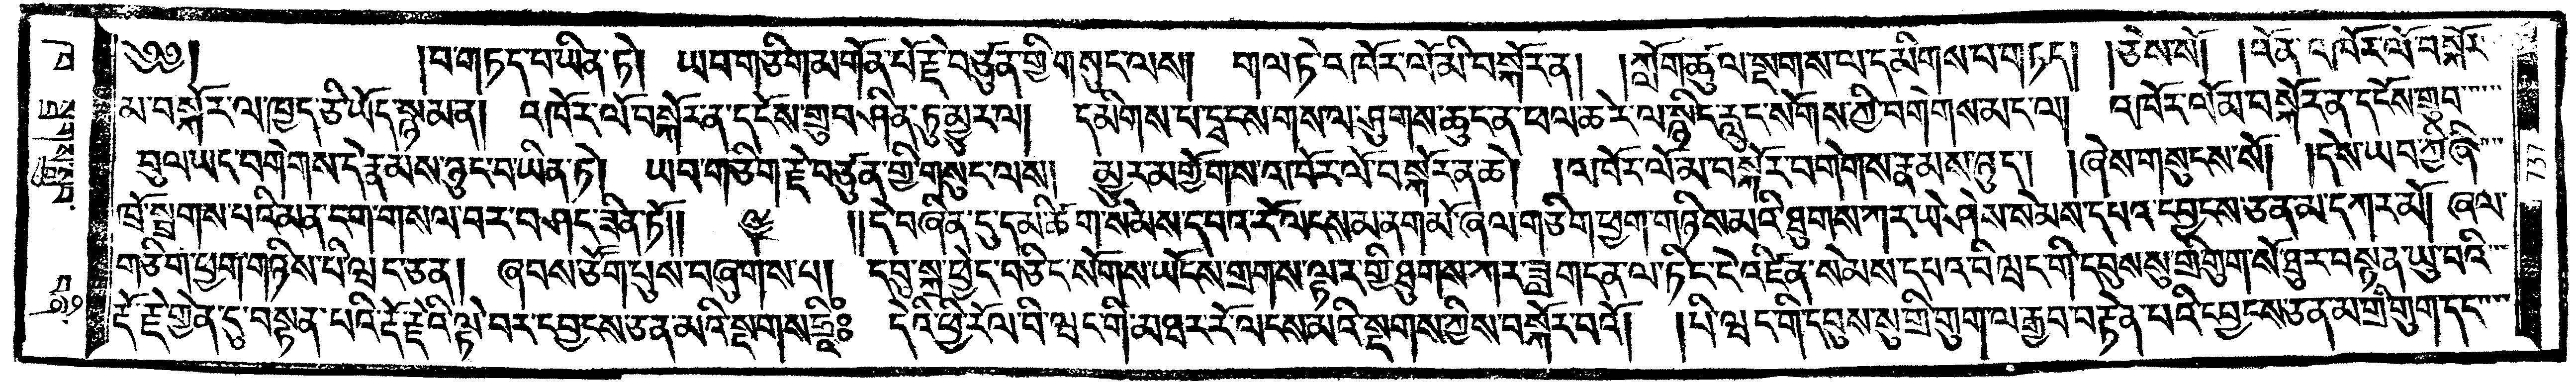༄༅། །བ་གཏད་པ་ཡིན་ཏེ། ཡབ་གཅིག་མགོན་པོ་རྗེ་བཙུན་གྱི་གསུང་ལས། གལ་ཏེ་འཁོར་ལོ་མི་བསྐོར་ན། །ཀློག་ཚུལ་སྔགས་ལ་དམིགས་པ་གཏད། །ཅེས་སོ། །འོ་ན་འཁོར་ལོ་བསྐོར་
མ་བསྐོར་ལ་ཁྱད་ཅི་ཡོད་སྙམ་ན། འཁོར་ལོ་བསྐོར་ན་དངོས་གྲུབ་ཤིན་ཏུ་མྱུར་ལ། དམིགས་པ་དྭངས་གསལ་ཤུགས་ཆུང་ན་ཕལ་ཆེར་ལ་སྙིང་རླུང་སོགས་ཀྱི་བགེགས་མང་ལ། འཁོར་ལོ་མ་བསྐོར་ན་དངོས་གྲུབ་
བུ་ལ་ཡང་བགེགས་དེ་རྣམས་ཉུང་བ་ཡིན་ཏེ། ཡབ་གཅིག་རྗེ་བཙུན་གྱི་གསུང་ལས། མྱུར་མགྱོགས་འཁོར་ལོ་བསྐོར་ན་ཆེ། །འཁོར་ལོ་མ་བསྐོར་བགེགས་རྣམས་ཉུང་། །ཞེས་གསུངས་སོ། །དེས་ཡབ་ཀྱི་ཞི་
ཁྲོ་སྦྲགས་པའི་མན་ངག་གསལ་བར་བཤད་ཟིན་ཏོ།། ༈ །།དེ་བཞིན་དུ་དམ་ཚིག་སེམས་དཔའ་རོ་ལངས་མ་ནག་མོ་ཞལ་གཅིག་ཕྱག་གཉིས་མའི་ཐུགས་ཀར་ཡེ་ཤེས་སེམས་དཔའ་དབྱངས་ཅན་མ་དཀར་མོ། ཞལ་
གཅིག་ཕྱག་གཉིས་པི་ཝང་ཅན། ཞབས་ཙོག་པུས་བཞུགས་པ། དབུ་སྐྲ་ཕྱེད་བཅིང་སོགས་ཡོངས་གྲགས་ལྟར་གྱི་ཐུགས་ཀར་ཟླ་གདན་ལ་ཏིང་ངེ་འཛིན་སེམས་དཔའ་པི་ཝང་གི་དབུས་སུ་གྲི་གུག་སོ་ཐུར་བསྟན་ཡུ་བའི་
རྡོ་རྗེ་གྱེན་དུ་བསྟན་པའི་རྡོ་རྗེའི་ལྟེ་བར་དབྱངས་ཅན་མའི་སྔགས་ཧྲཱིཾཿ དེའི་ཕྱི་རོལ་པི་ཝང་གི་མཐར་རོ་ལངས་མའི་སྔགས་ཀྱིས་བསྐོར་བའོ། །པི་ཝང་གི་དབུས་སུ་གྲི་གུག་ལ་རྒྱབ་བརྟེན་པའི་དབྱངས་ཅན་མ་གྲི་གུག་དང་